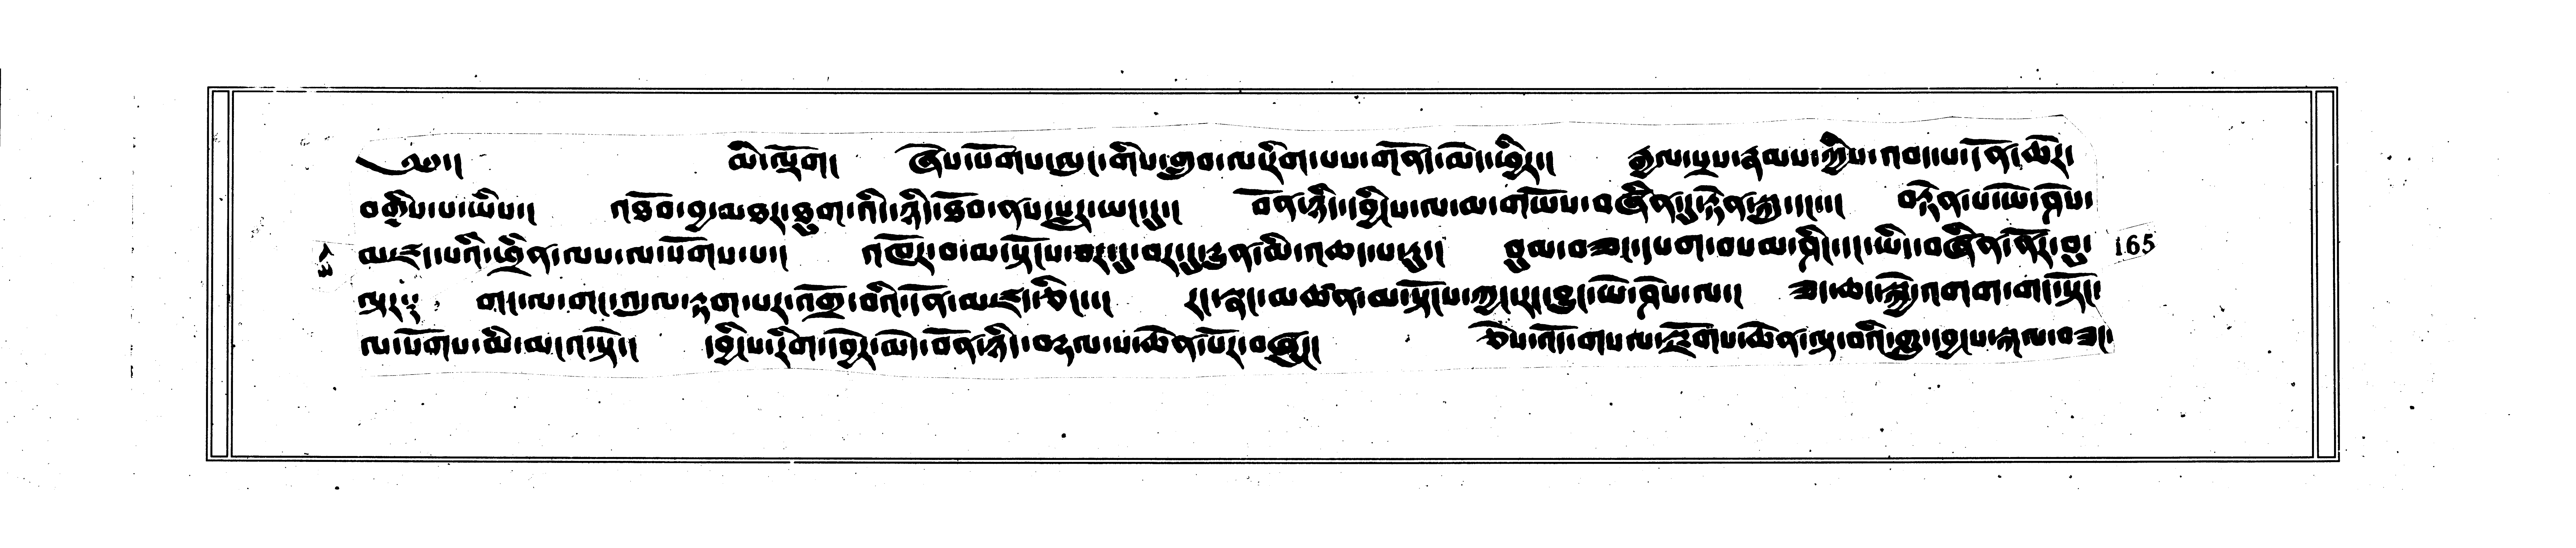མི་ལྡོག །ཞེས་སོགས་ལུང་གིས་གྲུབ་ལ་རིགས་པས་གནོད་མེད་ཕྱིར། །རྒྱལ་སྲས་རྣམས་ཀྱིས་འབད་པ་དོན་ཆེར་
བགྱིས་པ་ཡིས། །འཐོབ་བྱ་མཐར་ཐུག་འདི་ཉིད་ཐོབ་ནས་སླར་ཡང་དུ། །བོན་ཉིད་དབྱིངས་ལས་མ་གཡོས་བཞིན་དུ་རྟེན་སྐུ་དང་། །བརྟེན་པ་ཡེ་ཤེས་
མཛད་པའི་འཕྲིན་ལས་ལ་སོགས་པ། །འཁོར་བ་མ་སྟོང་བར་དུ་རྒྱུན་མི་འཆད་པ་རུ། །བུམ་བཟང་དཔག་བསམ་ཤིང་དང་ཡིད་བཞིན་ནོར་བུ་
ལྟར། །གང་ལ་གང་འདུལ་རྟག་པར་འགྲོ་བའི་དོན་མཛད་ཅིང་། །རང་སྣང་མཚན་མ་སྟོང་ཡང་རང་འབྱུང་ཡེ་ཤེས་ལ། །ཟད་ཆད་སྐྱེ་འགག་གང་སྟོང་
ལ་སོགས་མི་མངའ་སྟེ། །དབྱིངས་རིག་དབྱེར་མེད་བོན་ཉིད་བདལ་པ་ཆེན་པོར་བཞུགས།། །།ཅེས་འོད་གསལ་རྫོགས་ཆེན་ལྟ་བའི་གླུ་དབྱངས་སྐལ་བཟང་